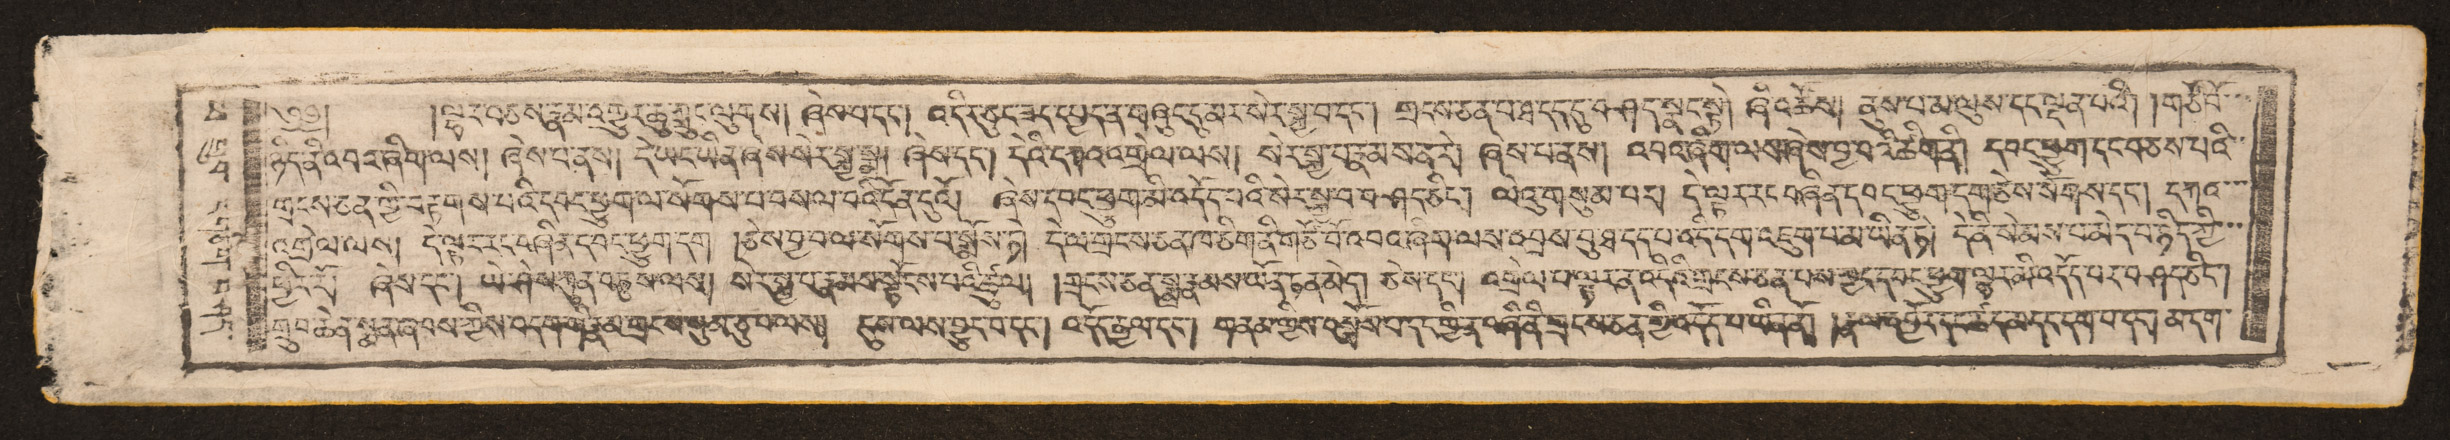༄༅། །ལྷར་བཅས་རྣམ་འགྱུར་ཆུ་ཀླུང་ལུགས། ཞེས་པ་དང་། འདིར་ཅུང་ཟད་དཔྱད་ན་གཞུང་དུ་མར་སེར་སྐྱ་བ་དང་། གྲངས་ཅན་པ་ཐ་དད་དུ་བཤད་སྣང་སྟེ། ཞི་འཚོས། ནུས་པ་མ་ལུས་དང་ལྡན་པའི། །གཙོ་བོ་
ཉིད་ནི་འབའ་ཞིག་ལས། ཞེས་པ་ནས། དེ་ཡང་ཡིན་ཞེས་སེར་སྐྱ་སྨྲ། ཞེས་དང་། དེའི་དཀའ་འགྲེལ་ལས། སེར་སྐྱ་བ་རྣམས་ན་རེ། ཞེས་པ་ནས། འབའ་ཞིག་ལས་ཞེས་བྱ་བའི་ཚིག་ནི། དབང་ཕྱུག་དང་བཅས་པའི་
གྲངས་ཅན་གྱི་བརྟགས་པའི་དབང་ཕྱུག་ལ་སོགས་པ་བསལ་བའི་དོན་དུའོ། ཞེས་དབང་ཕྱུག་མི་འདོང་པའི་སེར་སྐྱ་བ་བཤད་ཅིང་། ལེའུ་གསུམ་པར། དེ་ལྟར་རང་བཞིན་དབང་ཕྱུག་དག་ཅེས་སོགས་དང་། དཀའ་
འགྲེལ་ལས། དེ་ལྟར་རང་བཞིན་དབང་ཕྱུག་དག །ཅེས་བྱ་བ་ལ་སོགས་པ་སྨོས་ཏེ། དེ་ལ་གྲངས་ཅན་ཁ་ཅིག་ནི་གཙོ་བོ་འབའ་ཞིག་ལས་འབྲས་བུ་ཐ་དད་པ་འདི་དག་འཇུག་པ་མ་ཡིན་ཏེ། དེ་ནི་སེམས་པ་མེད་པ་ཉིད་ཀྱི་
ཕྱིར་རོ། ཞེས་དང་། ཡེ་ཤེས་ཀུན་བཏུས་ལས། སེར་སྐྱ་བ་རྣམས་སྟོངས་པའི་ཚུལ། །གངས་ཅན་སྨྲ་རྣམས་ཡོན་ཏན་མེད། ཅེས་དང་། འགྲེལ་པ་ལྟར་ན་འདིའི་གྲངས་ཅན་བས་ཀྱང་དབང་ཕྱུག་ལྷར་མི་འདོད་པར་བཤད་ཅིང་།
གྲུབ་ཆེན་སྨན་ཞབས་ཀྱིས་བདག་གི་རྣམ་གྲངས་སུམ་ཅུ་བ་ལས། དུས་ལས་བྱུང་བ་དང་། འདོད་རྒྱལ་དང་། གནམ་གྱིས་བསྐོས་བ་དང་གྱི་ན་བཞི་ནི་གྲངས་ཅན་གྱི་འདོད་པ་ཡིན་ནོ། །རྣལ་འབྱོར་དང་ཚད་མ་དང་དག་པ་དང་། མ་དག་